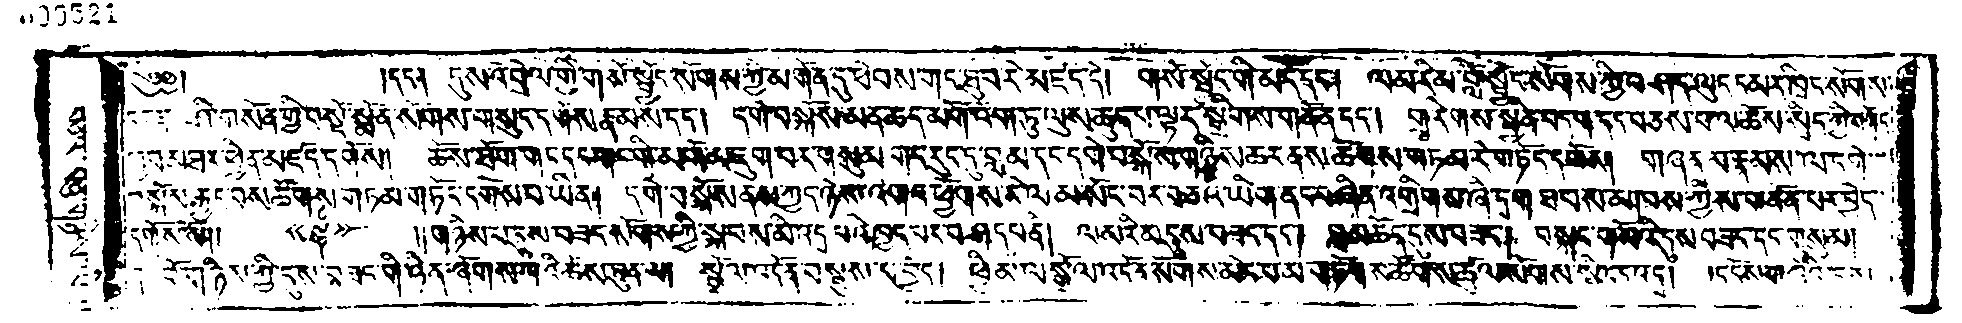༄༅། །དང་། དུས་འབྲེལ་གྱི་གསོ་སྦྱོང་སོགས་ཀྱི་མགོན་དུ་ཕེབས་གང་ཐུབ་རེ་མཛད་དེ། གསོ་སྦྱོང་གི་མདོ་དང་། ལམ་རིམ་བློ་སྦྱོང་སོགས་ཀྱི་བཤད་ལུང་དམར་ཁྲིད་སོགས་
དང༑ ཤི་གསོན་གྱི་བསྔོ་སྨོན་སོགས་གསུང་དགོས་རྣམས་དང་། དགེ་བསྐོས་མན་ཆད་མགོ་འོག་ཏུ་ལུས་ཆུད་པ་ལྟར་སྒྲིགས་གནོན་དང་། གྲྭ་རིགས་སྦྱིན་བདག་དང་བཅས་པ་ལ་ཆོས་སྲིད་ཀྱི་བཀོད་
ཁྱབ་མཐར་ཕྱིན་མཛད་དགོས། ཆོས་ཐོག་གང་དང་གང་གི་མགོ་མཇུག་བར་གསུམ་གང་རུང་དུ་བླ་མ་དང་དགེ་བསྐོས་གཉིས་ཆར་ནས་ཚོགས་གཏམ་རེ་གཏོང་དགོས། གཞན་མ་རྣམས་ལ་དགེ་
བསྐོས་རྐྱང་བས་ཚོགས་གཏམ་གཏོང་དགོས་པ་ཡིན། དགེ་བསྐོས་ནས་ཀྱང་ཉེས་འགའ་ཕྱོགས་རེ་ལ་མ་སོང་བར་བཅའ་ཡིག་ནང་བཞིན་འགྲིགས་ཞི་དྲག་ཐབས་མཁས་ཀྱི་ས་གནོན་པར་བྱེད་
དགོས་སོ།། ༈ །།གཉིས་པ་དུས་བཟང་སོགས་ཀྱི་སྐབས་མི་འདྲ་བའི་ཁྱད་པར་བཤད་པ་ནི། ལམ་རིམ་དུས་བཟང་དང་། བླ་མཆོད་དུས་བཟང་། བསྐང་གསོའི་དུས་བཟང་དང་གསུམ།
དང་པོ་གཉིས་ཀྱི་དུས་བཟང་གི་ཉིན་ཞོགས་ཀའི་ཆོས་ཐུན་ལ། སྒྲོལ་འདོན་བསྡུས་པ་བྱེད། ཕྱི་མ་ལ་སྒྲོལ་འདོན་སོགས་མེད་པ་མ་གཏོགས་ཚོགས་ཚུལ་སོགས་སྤྱི་དང་འདྲ། །དངོས་གཞིའི་དུས་